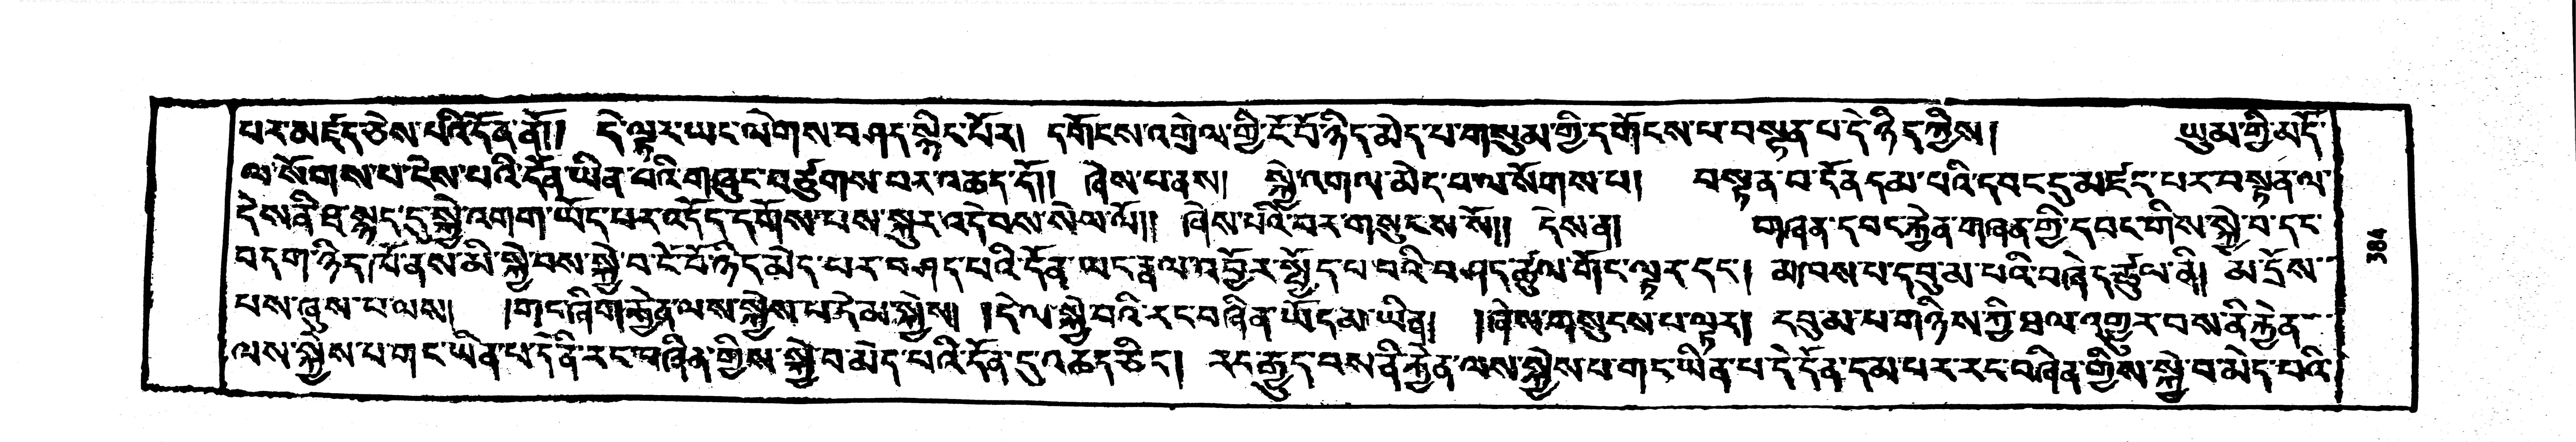པར་མཛད་ཅེས་པའི་དོན་ནོ། །དེ་ལྟར་ཡང་ལེགས་བཤད་སྙིང་པོར། དགོངས་འགྲེལ་གྱི་ངོ་བོ་ཉིད་མེད་པ་གསུམ་གྱི་དགོངས་པ་བསྟན་པ་དེ་ཉིད་ཀྱིས། ཡུམ་གྱི་མདོ་
ལ་སོགས་པ་ངེས་པའི་དོན་ཡིན་པའི་གཞུང་བཙུགས་པར་འཆད་དོ། །ཞེས་པ་ནས། སྐྱེ་འགལ་མེད་པ་ལ་སོགས་པ། བསྟན་པ་དོན་དམ་པའི་དབང་དུ་མཛད་པར་བསྟན་ལ་
དེས་ནི་ཐ་སྙད་དུ་སྐྱེ་འགག་ཡོད་པར་འདོད་དགོས་པས་སྐུར་འདེབས་སེལ་ལོ། །ཞེས་པའི་བར་གསུངས་སོ། །དེས་ན། གཞན་དབང་རྐྱེན་གཞན་གྱི་དབང་གིས་སྐྱེ་བ་དང་
བདག་ཉིད་ཁོ་ནས་མི་སྐྱེ་བས་སྐྱེ་བ་ངོ་བོ་ཉིད་མེད་པར་བཤད་པའི་དོན་ཡང་རྣལ་འབྱོར་སྤྱོད་པ་པའི་བཤད་ཚུལ་གོང་ལྟར་དང་། མཁས་པ་དབུ་མ་པའི་བཞེད་ཚུལ་ནི། མ་དྲོས་
པས་ཞུས་པ་ལས། །གང་ཞིག་རྐྱེན་ལས་སྐྱེས་པ་དེ་མ་སྐྱེས། །དེ་ལ་སྐྱེ་བའི་རང་བཞིན་ཡོད་མ་ཡིན། །ཞེས་གསུངས་པ་ལྟར། དབུ་མ་པ་གཉིས་ཀྱི་ཐལ་འགྱུར་བས་ནི་རྐྱེན་
ལས་སྐྱེས་པ་གང་ཡིན་པ་དེ་ནི་རང་བཞིན་གྱིས་སྐྱེ་བ་མེད་པའི་དོན་དུ་འཆད་ཅིང་། རང་རྒྱུད་བས་ནི་རྐྱེན་ལས་སྐྱེས་པ་གང་ཡིན་པ་དེ་དོན་དམ་པར་རང་བཞིན་གྱིས་སྐྱེ་བ་མེད་པའི་